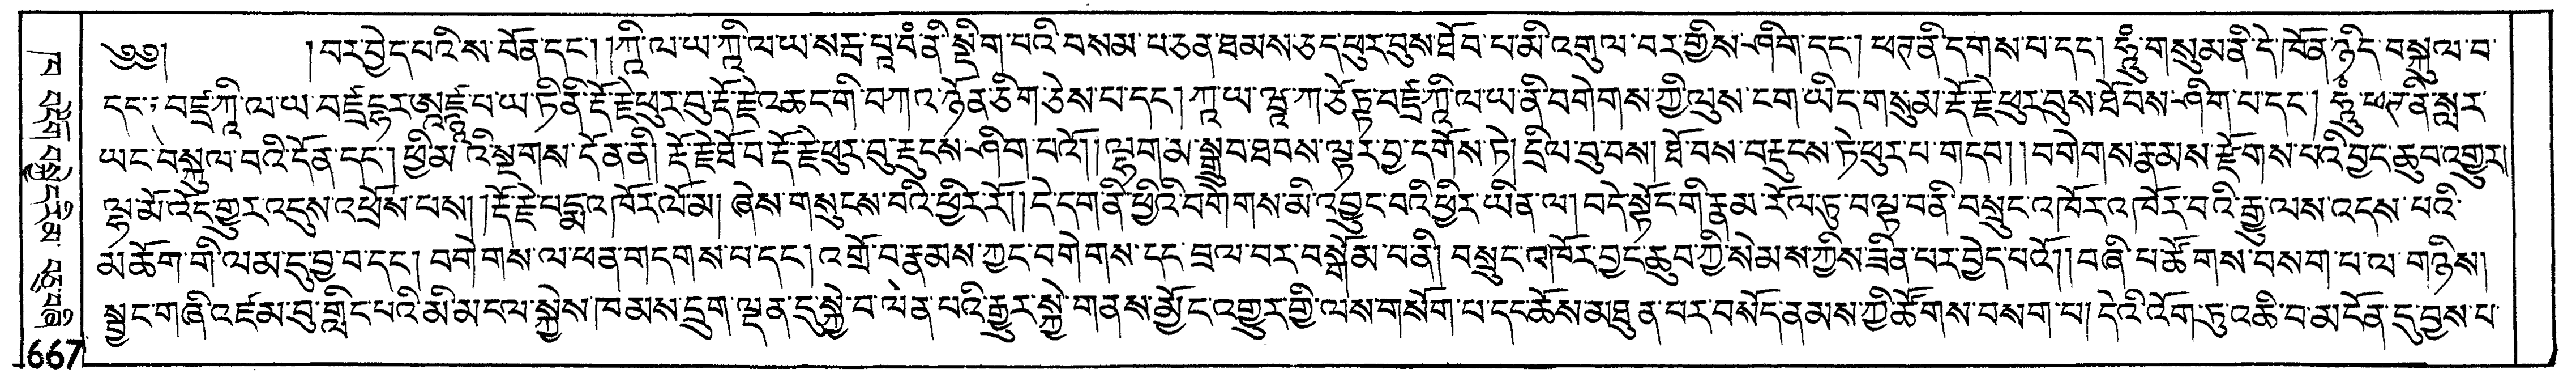༄༅། །བར་བྱེད་པའི་ས་བོན་དང་། །ཀཱི་ལ་ཡ་ཀཱི་ལ་ཡ་སརྦ་པཱ་བཾ་ནི་སྡིག་པའི་བསམ་པ་ཅན་ཐམས་ཅད་ཕུར་བུས་ཐོབ་པ་མི་འགུལ་བར་གྱིས་ཤིག་དང་། ཕཊ་ནི་དགས་པ་དང་། ཧཱུཾ་གསུམ་ནི་དེ་ཁོ་ན་ཉིད་བསྐུལ་བ་
དང༑ བཛྲ་ཀཱི་ལ་ཡ་བཛྲ་དྷར་ཨཱཛྙཱ་པ་ཡ་ཏི་ནི་རྡོ་རྗེ་ཕུར་བུ་རྡོ་རྗེ་འཆང་གི་བཀའ་ཉོན་ཅིག་ཅེས་པ་དང་། ཀཱ་ཡ་ཝཱ་ཀ་ཙེཏྟ་བཛྲ་ཀཱི་ལ་ཡ་ནི་བགེགས་ཀྱི་ལུས་ངག་ཡིད་གསུམ་རྡོ་རྗེ་ཕུར་བུས་ཐོབས་ཤིག་པ་དང་། ཧཱུཾ་ཕཊ་ནི་སླར་
ཡང་བསྐུལ་བའི་དོན་དང་། ཕྱི་མའི་སྔགས་དོན་ནི། རྡོ་རྗེ་ཐོ་བ་རྡོ་རྗེ་ཕུར་བུ་རྡུངས་ཤིག་པའོ། །ལྷག་མ་སྒྲུབ་ཐབས་ལྟར་བྱ་དགོས་ཏེ། དྲིལ་བུ་བས། ཐོ་བས་བརྡུངས་ཏེ་ཕུར་པ་གདབ། །བགེགས་རྣམས་རྫོགས་པའི་བྱང་ཆུབ་འགྱུར།
ལྷ་མོ་འོང་གྱུར་འདུས་འཕྲོས་པས། །རྡོ་རྗེ་པདམ་འཁོར་ལོ་མ། ཞེས་གསུངས་པའི་ཕྱིར་རོ། །དེ་དག་ནི་ཕྱིའི་བགེགས་མི་འབྱུང་བའི་ཕྱིར་ཡིན་ལ། བདེ་སྟོང་གི་རྣམ་རོལ་ཏུ་བལྟ་བ་ནི་བསྲུང་འཁོར་འཁོར་བའི་རྒྱུ་ལས་འདས་པའི་
མཆོག་གི་ལམ་དུ་བྱ་བ་དང་། བགེགས་ལ་ཕན་གདགས་པ་དང་། འགྲོ་བ་རྣམས་ཀྱང་བགེགས་དང་བྲལ་བར་བསྒོམ་པ་ནི། བསྲུང་འཁོར་བྱང་ཆུབ་ཀྱི་སེམས་ཀྱིས་ཟིན་པར་བྱེད་པའོ། །བཞི་པ་ཚོགས་བསག་པ་ལ་གཉིས།
སྦྱང་གཞི་འཛམ་བུ་གླིང་པའི་མི་མངལ་སྐྱེས་ཁམས་དྲུག་ལྡན་དུ་སྐྱེ་བ་ལེན་པའི་རྒྱུར་སྐྱེ་གནས་མྱོང་འགྱུར་གྱི་ལས་གསོག་པ་དང་ཆོས་མཐུན་པར་བསོད་ནམས་ཀྱི་ཚོགས་བསག་པ། དེའི་འོག་ཏུ་འཆི་བ་མངོན་དུ་བྱས་པ་